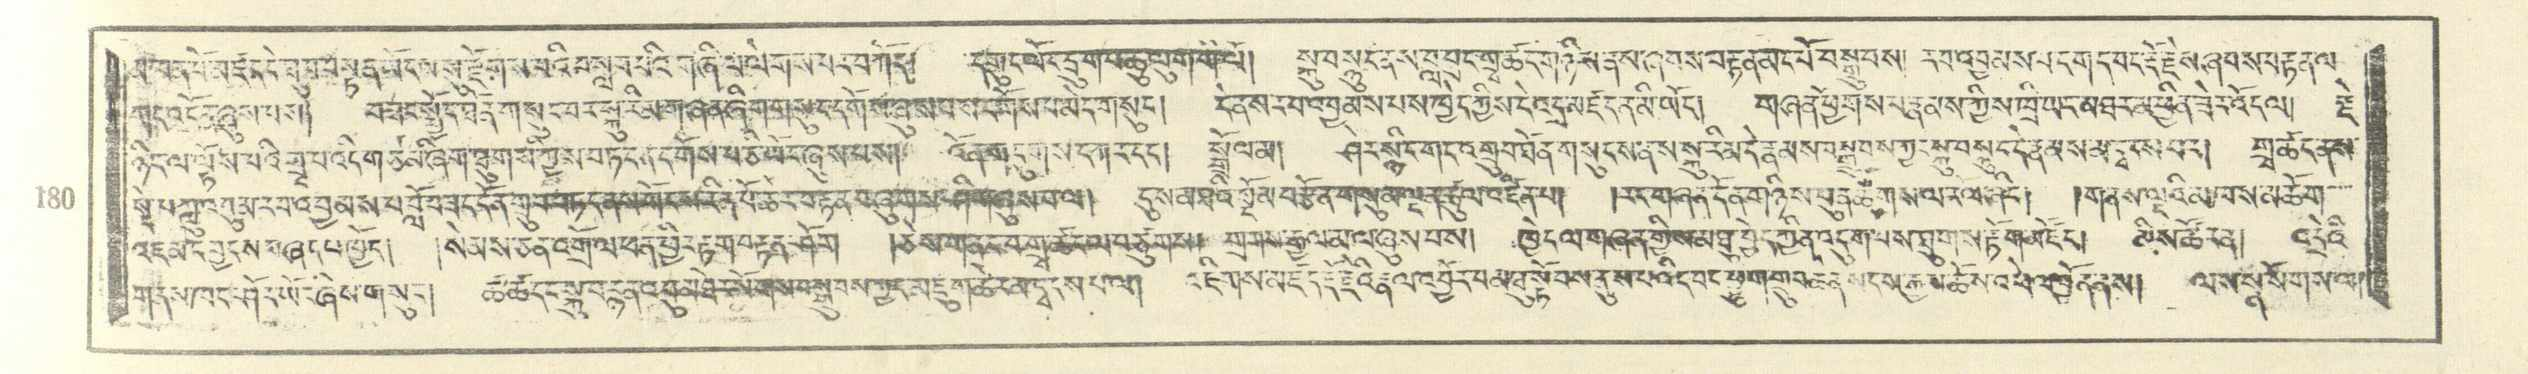མཁན་པོ་མཛད་དེ་ཐུབ་བསྟན་ཡོངས་སུ་རྫོགས་པའི་བསླབ་པའི་གཞི་ལ་ལེགས་པར་བཀོད། དགུང་ལོང་དྲུག་པ་ཆུ་ལུག་གི་ལོ། སྐུ་བསྙུང་ནས་བླ་བྲང་གྲྭ་ཚང་གཉིས་ནས་ཞབས་བརྟན་མང་པོ་བསྒྲུབས། རབ་འབྱམས་པ་ངག་དབང་རྡོ་རྗེས་ཞབས་བརྟན་ལ་
གང་འདོན་ཞུས་པས། བཟང་སྤྱོད་ཐོན་གསུང་བར་སྐུ་རིམ་གཞན་ཞིག་གསུང་དགོས་ཞུས་པས་དགོས་པ་མེད་གསུང་། དེ་ནས་རབ་འབྱམས་པས་ཁྱེད་ཀྱིས་དེ་འདྲ་མཛད་ན་མི་ཡོད། གཞན་ཕྱོགས་པ་རྣམས་ཀྱིས་ཁྲི་ཡང་མཐར་མ་ཕྱིན་ཟེར་འོད་ལ། རྗེ་
ཉིད་ལ་ལྟོས་པའི་གྲྭ་པ་འདི་ཀ་ཙམ་ཞིག་ཐུགས་ཀྱིས་བཏང་ན་དགོས་པ་ཅི་ཡོང་ཞུས་པས། འོན་གདུགས་དཀར་དང་། སྒྲོལ་མ། ཤེར་སྙིང་གང་འགྲུབ་ཐོན་གསུངས་ནས་སྐུ་རིམ་དེ་རྣམས་བསྒྲུབས་ཀྱང་སྐུ་བསྙུང་དེ་རྣམས་མ་དྭངས་པར། གྲྭ་ཚང་ནས་
སྡེ་པ་ཀླུ་འབུམ་རབ་འབྱམས་པ་བློ་བཟང་དོན་གྲུབ་བཏང་ནས་གོངས་རིན་པོ་ཆེར་བརྟན་བཞུགས་ཤིག་ཞུས་པ་ལ། དུས་མཐའི་སྡོམ་བརྩོན་གསུམ་ལྡན་ཚུལ་འཛིན་པ། །རང་གཞན་དོན་གཉིས་ཕུན་ཚོགས་ལ་རོལ་ཞིང་། །གནས་ལྔའི་མཁས་མཆོག་
འཇམ་དབྱངས་བཞད་པ་ཁྱོད། །སེམས་ཅན་འགྲོ་ལ་ཕན་ཕྱིར་རྟག་བརྟན་ཤོག །ཅེས་གནང་བ་གྲྭ་ཚད་ལ་བཙུགས། གྲགས་རྒྱལ་མ་ལ་ཞུས་པས། ཁྱེད་ལ་གཞན་གྱིས་མཐུ་བྱེད་ཀྱིན་འདུག་པས་ཐུགས་རྟོག་མཛོད། མིས་ཚོར་ན། འདྲེའི་
གནས་ཁང་ཤོར་ཡོང་ཞེས་གསུང་། ཚ་ཚ་དང་སྐུ་བརྙན་འབུམ་ཐེར་སོགས་བསྒྲུབས་ཀྱང་མཇུག་ཆེར་མ་དྭངས་པ་ལ། འཇིགས་མཛད་རྡོ་རྗེའི་རྣལ་འབྱོར་པ་མཐུ་སྟོབས་ནུས་པའི་དབང་ཕྱུག་གྲུབ་ཆེན་སངས་རྒྱས་ཆོས་འཕེལ་བྱོན་ནས། ལས་སྣ་སོགས་ལ།